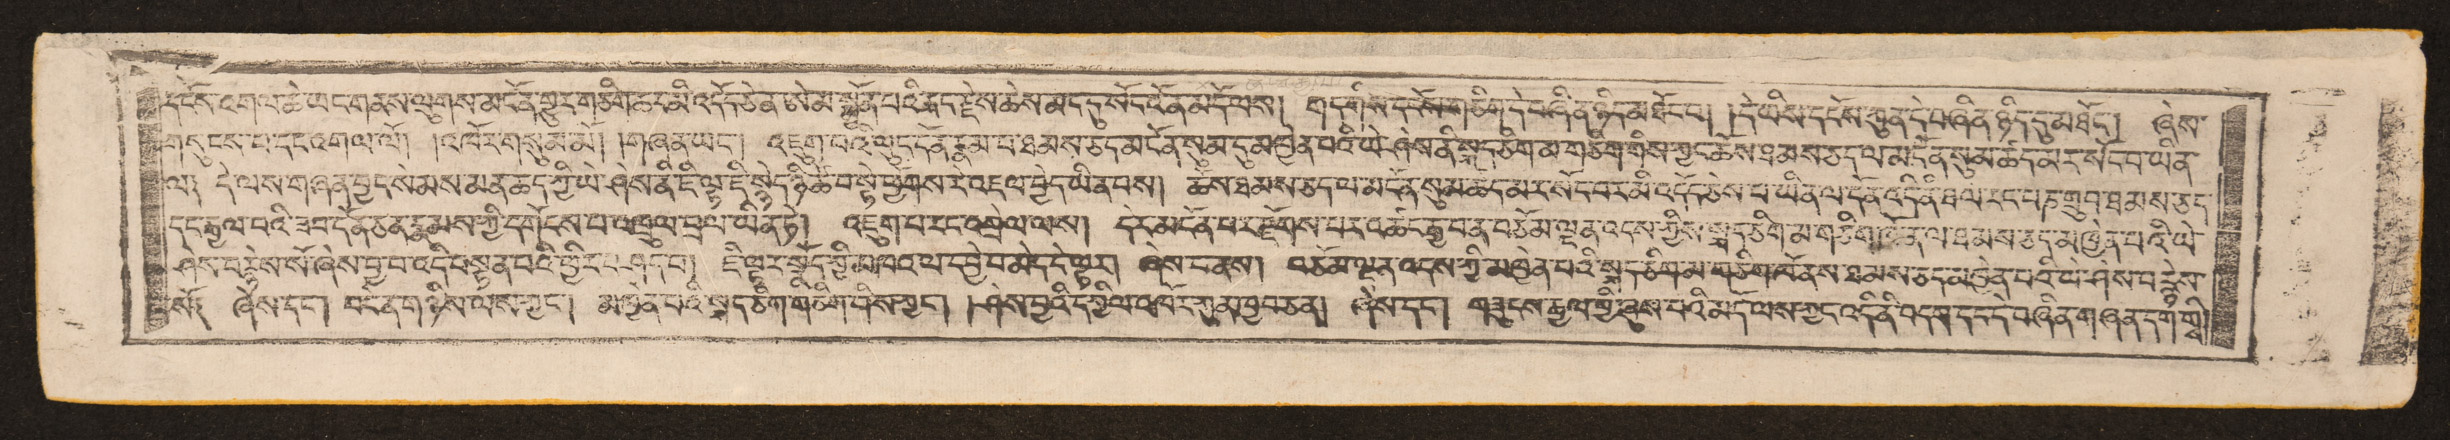དངོས་འགལ་ཆེ་ཡང་གནས་ལུགས་མངོན་གྱུར་གཅིག་ཆར་མི་འདོད་ཅེན་ཨེ་མ་སྨྱོན་པའི་རྐང་རྗེས་ཆེས་མང་དུ་སོང་འོ་ན་མདོ་ལས། གང་གིས་དངོས་གཅིག་དེ་བཞིན་ཉིད་མཐོང་བ། །དེ་ཡིས་དངོས་ཀུན་དེ་བཞིན་ཉིད་དུ་མཐོང་། ཞེས་
གསུངས་པ་དང་འགལ་ལོ། །འཁོར་གསུམ་མོ། །གཞན་ཡང་། འཇུག་པའི་ལུང་དོན་རྣམ་པ་ཐམས་ཅད་མངོན་སུམ་དུ་མཁྱེན་པའི་ཡེ་ཤེས་ནི་སྐད་ཅིག་མ་གཅིག་གིས་ཀྱང་ཆོས་ཐམས་ཅད་ལ་མངོན་སུམ་ཚད་མར་སོང་བ་ཡིན་
ལ༑ དེ་ལས་གཞན་བྱང་སེམས་མན་ཆད་ཀྱི་ཡེ་ཤེས་ནི་ཇི་ལྟ་ཇི་སྙེད་ཉི་ཚེ་བ་སྟེ་ཕྱོགས་རེ་འཇལ་བྱེད་ཡིན་པས། ཆོས་ཐམས་ཅད་ལ་མངོན་སུམ་ཚད་མར་སོང་བར་མེ་འདོད་ཅེས་པ་ཡིན་ལ་དོན་འདི་ནི་ཐལ་རང་པཎ་གྲུབ་ཐམས་ཅད་
དང་རྒྱལ་བའི་ཟབ་དོན་ཅན་རྣམས་ཀྱི་དགོངས་བ་འཁྲུལ་བྲལ་ཡིན་ཏེ། འཇུག་པ་རང་འགྲེལ་ལས། དེར་མངོན་བར་རྫོགས་པར་འཚང་རྒྱ་བན་བཅོམ་ལྡན་འདས་ཀྱིས་སྐད་ཅིག་མ་གཅིག་ཁོ་ན་ལ་ཐམས་ཅད་མཁྱེན་པའི་ཡེ་
ཤེས་བརྙེས་སོ་ཞེས་བྱ་བ་འདི་བསྟན་པའི་ཕྱིར་བཤད་པ། ཇི་ལྟར་སྣོད་ཀྱི་མཁའ་ལ་དབྱེ་བ་མེད་དེ་ལྟར། ཞེས་བ་ནས། བཅོམ་ལྡན་འདས་ཀྱི་མཁྱེན་པའི་སྐད་ཅིག་མ་གཅིག་ཁོ་ནས་ཐམས་ཅད་མཁྱེན་བའི་ཡེ་ཤེས་བརྙེས་
སོ༑ ཞེས་དང་། བདེན་གཉིས་ལས་ཀྱང་། མཁྱེན་པའི་སྐད་ཅིག་གཅིག་གིས་ཀྱང་། །ཤེས་བྱའི་དཀྱིལ་འཁོར་ཀུན་ཁྱབ་ཅན། ཞེས་དང་། གཟུངས་རྒྱལ་གྱི་ཞུས་པའི་མདོ་ལས་ཀྱང་འདི་ནི་བདག་དང་དེ་བཞིན་གཞན་དག་གིས་